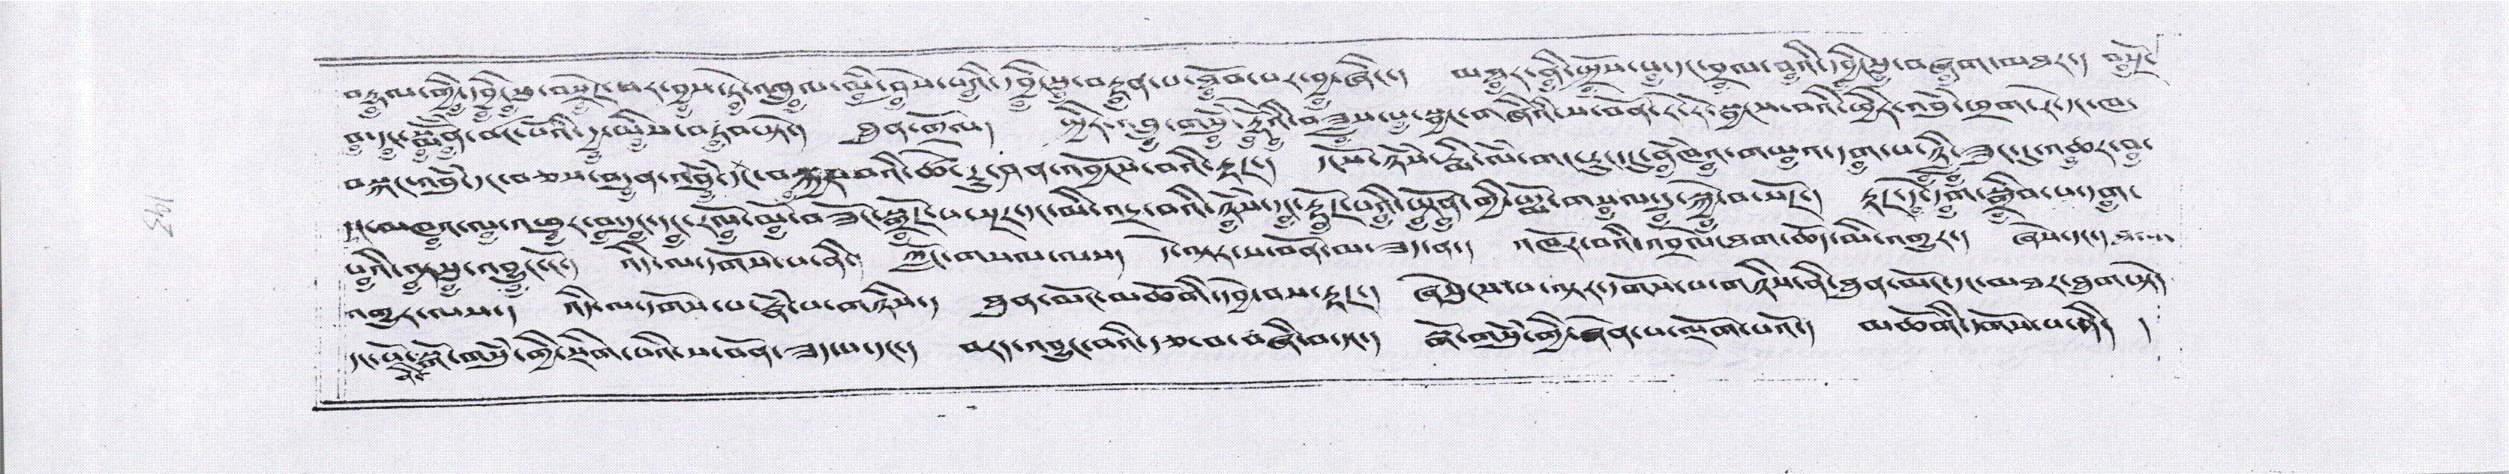བརྡལ་གྱི་དབྱིངས་སུ་བསྲེགས་པར་བྱས་ཏེ་འཁྲུལ་མི་ཤེས་པའི་དབྱིངས་སུ་བརྟན་པ་ཐོབ་པར་བྱ་ཞིང་། མཐར་ནི་སྤྲོས་པ་དང་བྲལ་བའི་དབྱིངས་སུ་བཞག་མཐར་བསྔོ་
བ་དང་སྨོན་ལམ་མང་པོའི་རྒྱ་ཡིས་བཏབ་སྟེ་ཐུན་གྲོལ། སྤྱིར་འབྲུ་གསུམ་རྡོ་རྗེའི་བཟླས་པ་སྦྱང་གཞིའི་ས་བོན་རེ་རེ་སྦྱངས་པའི་ཕྱིར་འབུམ་ཕྲག་རེ་དང་ཁ་
བསྐང་གསུམ་དང་བཅས་བདུན་འབུམ་དུ་བསྐྱལ་བའི་ཚེ་རུ་ཤན་འབྱོངས་པའི་རྟགས། དངོས་ཉམས་རྨི་ལམ་གང་རུང་དུ་ནམ་མཁའ་གཡའ་དག་པ་ཉི་ཟླ་ཟུང་དུ་འཆར་བ་
དང་མཁའ་ལ་འཕུར་བ་དང་རོལ་མོ་བཟང་པོ་སྒྲོགས་པ་སྔར་དང་མི་འདྲ་བའི་ཉམས་དང་རྟོགས་པའི་ཡོན་ཏན་གྱི་པད་མོ་གསར་དུ་སྐྱེ་བ་སོགས་རྟགས་དེ་དག་སྒྲིབ་པ་དག་
པའི་ལྟས་སུ་འབྱུང་ངོ་། འདི་ལ་དགོས་པ་ནི་ཀློང་གསལ་ལས། དེ་ལྟར་ས་བོན་མ་ཟད་ན། འཁོར་བའི་འབྲེལ་ཐག་ཆོད་མི་འགྱུར། ཞེས་དང་ཐལ་
འགྱུར་ལས། འདི་ལ་དགོས་པ་རྣམ་པ་གཉིས། ཐུན་མོང་མཆོག་གི་དབྱེ་བས་རྟགས། ཞེས་གསུངས་པ་ལྟར་དགོས་པ་ནི་ཐུན་མོང་དང་མཐར་ཐུག་སྟེ། 
དང་པོ་ནི་སྒོ་གསུམ་གྱི་སྡིག་པའི་ས་བོན་ཟད་པ་དང་། བར་ཆད་འབྱུང་བའི་རྩ་བ་བཞི་དང་། སྒོ་གསུམ་གྱི་ཞེན་པ་ལྡོག་པའོ། མཆོག་གི་དགོས་པ་ནི།